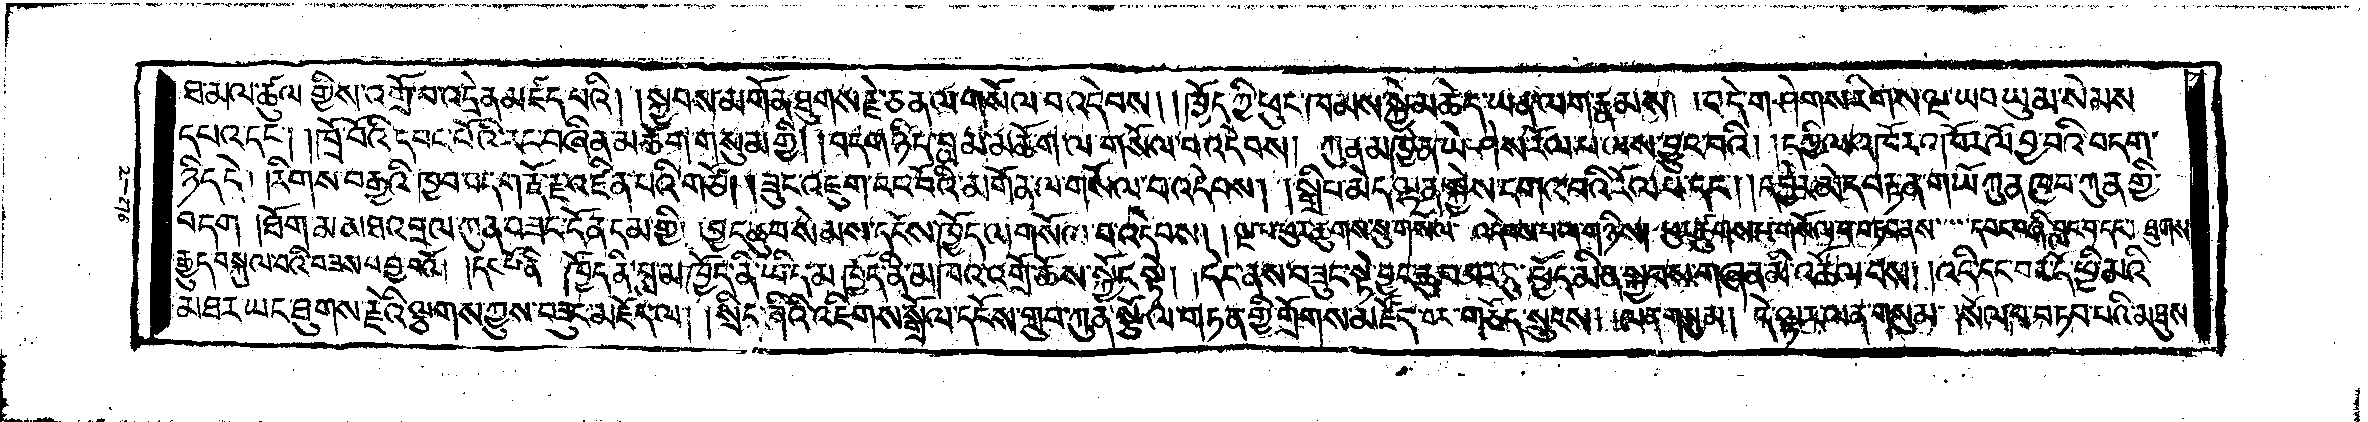ཐ་མལ་ཚུལ་གྱིས་འགྲོ་བ་འདྲེན་མཛད་པའི། །སྐྱབས་མགོན་ཐུགས་རྗེ་ཅན་ལ་གསོལ་བ་འདེབས། །ཁྱོད་ཀྱི་ཕུང་ཁམས་སྐྱེ་མཆེད་ཡན་ལག་རྣམས། །བདེ་གཤེགས་རིགས་ལྔ་ཡབ་ཡུམ་སེམས་
དཔའ་དང་། །ཁྲོ་བོའི་དབང་པོའི་རང་བཞིན་མཆོག་གསུམ་གྱི། །བདག་ཉིད་བླ་མ་མཆོག་ལ་གསོལ་བ་འདེབས། །ཀུན་མཁྱེན་ཡེ་ཤེས་རོལ་པ་ལས་བྱུང་བའི། །དཀྱིལ་འཁོར་འཁོར་ལོ་བྱ་བའི་བདག་
ཉིད་དེ། །རིགས་བརྒྱའི་ཁྱབ་བདག་རྡོ་རྗེ་འཛིན་པའི་གཙོ། །ཟུང་འཇུག་རང་བོའི་མགོན་ལ་གསོལ་བ་འདེབས། །སྒྲིབ་མེད་ལྷན་སྐྱེས་དགའ་བའི་རོལ་བ་དང་། །དབྱེར་མེད་བརྟན་གཡོ་ཀུན་ཁྱབ་ཀུན་གྱི་
བདག །ཐོག་མ་མཐའ་འབྲལ་ཀུན་བཟང་དོན་དམ་གྱི། །བྱང་ཆུབ་སེམས་དངོས་ཁྱོད་ལ་གསོལ་བ་འདེབས། །ལྔ་པ་ཕུར་ཚུགས་སུ་གསོལ་འདེབས་པ་ལ་གཉིས། ཕུར་ཚུགས་པུ་གསོལ་བ་བཏབ་ནས་དབང་བཞི་བླང་བ་དང་། ཐུགས་
རྒྱུད་བསྐུལ་བའི་བཟས་པ་བྱ་བའོ། །དང་པོ་ནི་ཁྱོད་ནི་བླ་མ་ཁྱོད་ནི་ཡི་དམ་ཁྱོད་ནི་མཁའ་འགྲོ་ཆོས་སྐྱོང་སྟེ། །དེང་ནས་བཟུང་སྟེ་བྱང་ཆུབ་བར་དུ་པྱོད་མིན་སྐྱབས་གཞན་མི་འཚོལ་བས། །འདི་དང་བར་དོ་ཕྱི་མའི་
མཐར་ཡང་ཐུགས་རྗེའི་ལྕགས་ཀྱུས་བཟུང་མཛོད་ལ། །སྲིད་ཞིའི་འཇིགས་སྒྲོལ་དངོས་གྲུབ་ཀུན་སྩོལ་གཏན་གྱི་གྲོགས་མཛོད་བར་གཅོད་སྲུངས། །ལན་གསུམ། དེ་ལྟར་ལན་གསུམ། །སོལ་བ་བཏབ་པའི་མཐུས་